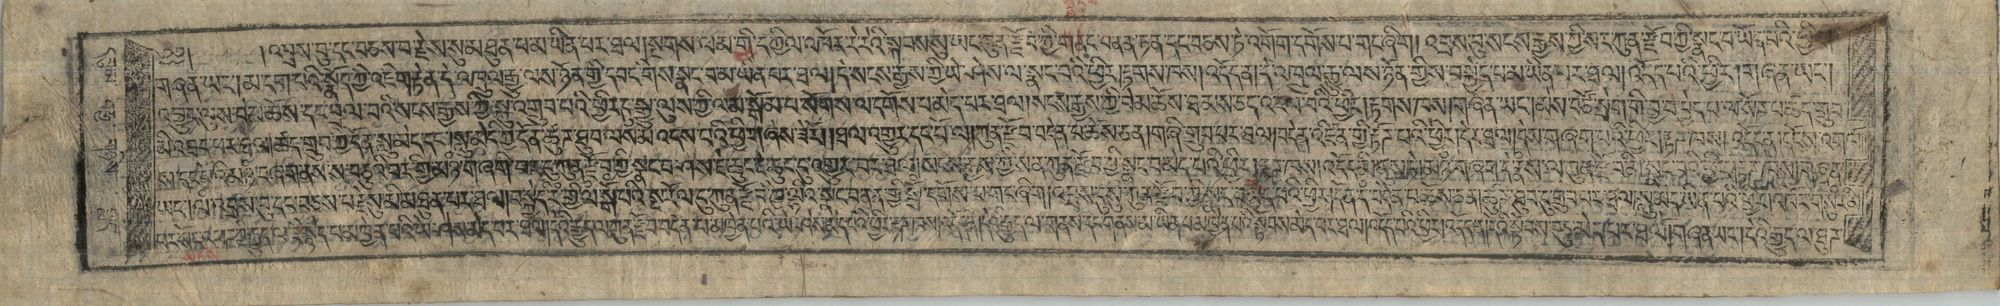༄༅། །འབྲས་བུ་དང་བཅས་པ་རྗེས་སུ་མཐུན་པ་མ་ཡིན་པར་ཐལ། སྔགས་ལམ་གྱི་དཀྱིལ་འཁོར་རེ་རེའི་སྐབས་སུ་ཡང་ཀུན་རྫོབ་ཀྱི་སྣང་བ་ནན་ཏན་དང་བཅས་ཏེ་འགོག་དགོས་པ་གང་ཞིག །འབྲས་བུ་སངས་རྒྱས་ཀྱི་སར་ཀུན་རྫོབ་ཀྱི་སྣང་བ་ཡོད་པའི་ཕྱིར་
གཞན་ཡང་། མ་དག་པའི་སྣོད་ཀྱི་འཇིག་རྟེན་དེ་འཁྲུལ་རྒྱུ་ལས་ཉོན་གྱི་དབང་གིས་སྣང་བ་མ་ཡིན་པར་ཐལ། དེ་སངས་རྒྱས་ཀྱི་ཡེ་ཤེས་ལ་སྣང་བའི་ཕྱིར། རྟགས་ཁས། འདོད་ན། དེ་འཁྲུལ་རྒྱུ་ལས་ཉོན་གྱིས་བསྐྱེད་པ་མ་ཡིན་པར་ཐལ། འདོད་པའི་ཕྱིར། གཞན་ཡང་།
འབྱུང་ལུས་བེམ་?་ཆོས་དང་བྲེལྦའི་སངས་རྒྱས་ཀྱི་སྐུ་འགྲུབ་པའི་ཕྱིར་དུ་སྒྱུ་ལུས་ཀྱི་ལམ་སྒོམ་པ་སོགས་ལ་དགོས་པ་མེད་པར་ཐལ། སངས་རྒྱས་ཀྱིས་བེམ་?་ཆོས་ཐམས་ཅད་འཇལ་བའི་ཕྱིར། རྟགས་ཁས། གཞན་ཡང་། མེས་བཙོསྲེག་གི་བྱ་བ་བྱེད་པ་ལ་སོགས་པ་ཚད་གྲུབ་
མི་འཐད་པར་ཐལ། ཚད་གྲུབ་ཀྱི་དོན་སླུ་མེད་དང་། སླུ་མེད་ཀྱི་དོན་ཚུགས་ཐུབ་ལས་མ་འདས་པའི་ཕྱིར། ཞེས་ཟེར་རོ། །ཐལ་འགྱུར་དང་པོ་ལ། ཀུན་རྫོབ་བདེན་པ་ཆོས་ཅན། གཞི་གྲུབ་པར་ཐལ། བདེན་འཛིན་གྱི་རྟོཌ་པའི་ཕྱིར། དེར་ཐལ། དེས་གཞག་པའི་ཕྱིར། རྟགས་ཁས། འདོད་ན། དངོས་འགལ་ལོ།
ས་དང་པོའི་མཉཾ་བཞག་ནས་ས་བཅུའི་བར་གྱི་མཉཾ་གཞག་གི་བར་དུ་ཀུན་རྫོབ་ཀྱི་སྣང་བ་ཤས་ཇེ་ཆུང་ཇེ་ཆུང་དུ་འགྱུར་བར་ཐལ། སངས་རྒྱས་ཀྱི་ས་ན་ཀུན་རྫོབ་ཀྱི་སྣང་བ་མེད་པའི་ཕྱིར། རྟཌ་ཁས། འདོད་མི་ནུས་ཏེ། མཉཾ་གཞག་དེ་རྣཾས་ལ་ཀུན་རྫོབ་མི་སྣང་བའི་ཕྱིར། རྟགས་ཁས། གཞན་
ཡང་། ལམ་འབྲས་བུ་དང་བཅས་པ་རྗེས་སུ་མི་མཐུན་པར་ཐལ། བསྐྱེད་རིམ་གྱི་ལ་སྒོཾ་པའི་སྔ་རོལ་དུ་ཀུན་རྫོབ་ཀྱི་ལྷའི་སྣང་བ་ནན་གྱི་སྒོཾ་དགོས་པ་གང་ཞིག ། འབྲས་དུ་སུ་ཀུན་རྫོབ་ཀྱི་སྣང་བ་མེད་པའི་ཕྱིར། དོན་དཾ་བདེན་པ་ཆོས་ཅན། ཚུཌ་ཐུབ་དུ་གྲུབ་པར་ཐལ། སླུ་མེད་ཡིན་པའི་ཕྱིར། འཁོར་གསུཾ་རིམ་
པར་སོང་སངས་འཕཌ་ཀྱི་རྒྱུད་ལ་ཇི་སྙེད་པ་མཁྱེན་པའི་ཡེ་ཤེས་མེད་པར་ཐལ། དེའི་རྒྱུད་ལ་ཀུན་རྫོབ་བདེན་པ་མཁྱེན་པའི་ཡེ་ཤེས་མེད་པའི་ཕྱིར་རྟཌ་ཁས། འདོད་ན། དེའི་རྒྱུད་ལ་གནས་དང་གནས་མ་ཡིན་པ་མཁྱེན་པའི་སྟོབས་མེད་པར་ཐལ། འདོད་པའི་ཕྱིར། འདོད་ན། དེའི་སྟོབས་བཅུ་མེད་པར་ཐལ་ལོ། གཞན་ཡང་། དེའི་རྒྱུད་ལ་ཐུགས་